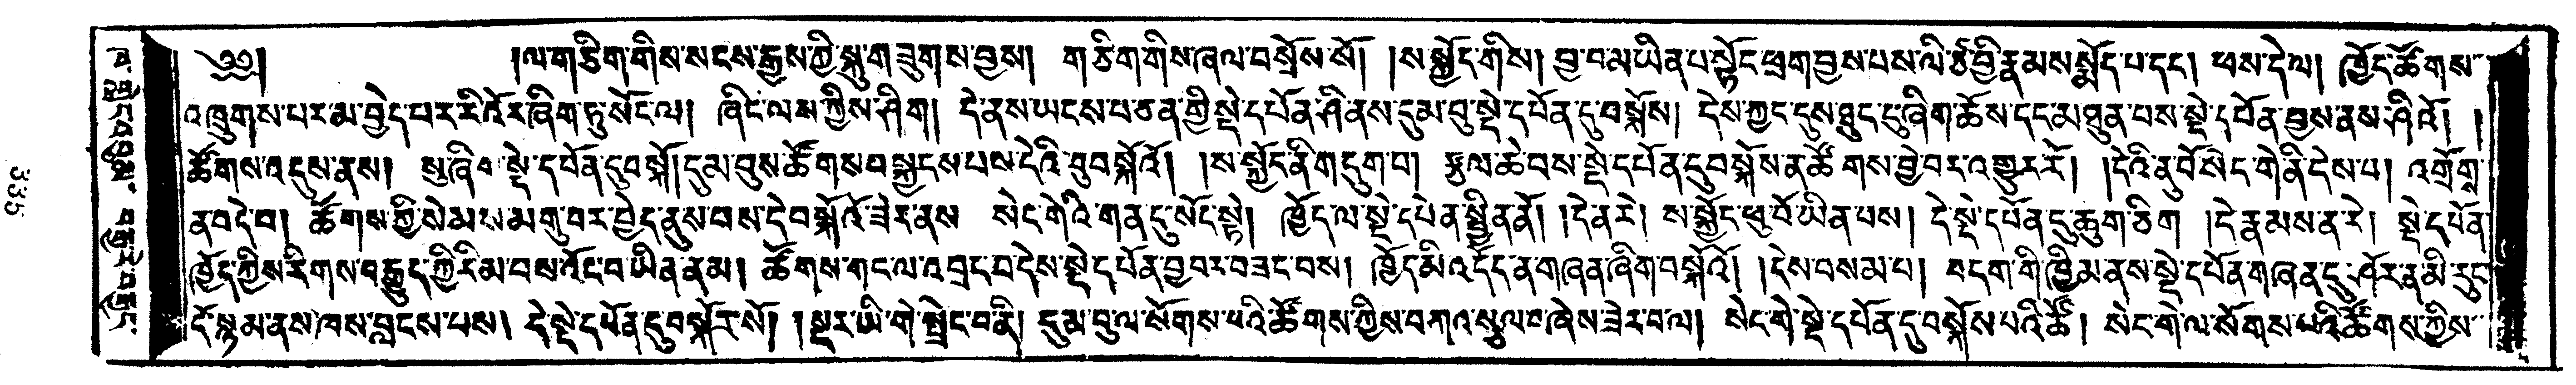༄༅། །ལ་གཅིག་གིས་སངས་རྒྱས་ཀྱི་སྐུ་གཟུགས་བྱས། གཅིག་གིས་ཞལ་བསྲོས་སོ། །ས་སྐྱོང་གིས། བྱ་བ་མ་ཡིན་པ་སྟོང་ཕྲག་བྱས་པས་ལི་ཙ་བྱི་རྣམས་སྨོད་པ་དང་། ཕས་དེ་ལ། ཁྱོད་ཚོགས་
འཁྲུགས་པར་མ་བྱེད་པར་རི་འོར་ཞིག་ཏུ་སོང་ལ། ཞིང་ལས་ཀྱིས་ཤིག། དེ་ནས་ཡངས་པ་ཅན་གྱི་སྡེ་དཔོན་ཤི་ནས་དུམ་བུ་སྡེ་དཔོན་དུ་བསྐོས། དེས་ཀྱང་དུས་ཐུང་དུ་ཞིག་ཆོས་དང་མཐུན་པས་སྡེ་དཔོན་བྱས་ནས་ཤིའོ། །
ཚོགས་འདུས་ནས། སུ་ཞིག་སྡེ་དཔོན་དུ་བསྐོ། དུམ་བུས་ཚོགས་བསྐྱངས་པས་དེའི་བུ་བསྐོའོ། །ས་སྐྱོང་ནི་གདུག་པ། རྩལ་ཆེ་བས་སྡེ་དཔོན་དུ་བསྐོས་ན་ཚོགས་བྱེ་བར་འགྱུར་རོ། །དེའི་ནུ་བོ་སེང་གེ་ནི་དེས་པ། འགྲོགས་
ན་བདེ་བ། ཚོགས་ཀྱི་སེམས་མགུ་བར་བྱེད་ནུས་པས་དེ་བསྐོའོ་ཟེར་ནས་སེང་གེའི་གན་དུ་སོང་སྟེ། ཁྱོད་ལ་སྡེ་དཔོན་སྦྱིན་ནོ། །དེ་ན་རེ། ས་སྐྱོང་ཕུ་པོ་ཡིན་པས། དེ་སྡེ་དཔོན་དུ་ཆུག་ཅིག །དེ་རྣམས་ན་རེ། སྡེ་དཔོན་
ཁྱོད་ཀྱིས་རིགས་བརྒྱུད་ཀྱི་རིམ་པས་འོང་བ་ཡིན་ནམ། ཚོགས་གང་ལ་འབྲང་བ་དེས་སྡེ་དཔོན་བྱ་བར་བཟང་བས། ཁྱོད་མི་འདོད་ན་གཞན་ཞིག་བསྐོའོ། །དེས་བསམ་པ། བདག་གི་ཁྱིམ་ནས་སྡེ་དཔོན་གཞན་དུ་ཤོར་ན་མི་རུང་
དོ་སྙམ་ནས་ཁས་བླངས་པས། དེ་སྡེ་དཔོན་དུ་བསྐོར་སོ། །སྔར་ཡི་གེ་སྦྲེང་བ་ནི། དུམ་བུ་ལ་སོགས་པའི་ཚོགས་ཀྱིས་བཀའ་སྩལ་བ་ཞེས་ཟེར་བ་ལ། སེང་གེ་སྡེ་དཔོན་དུ་བསྐོས་པའི་ཚོ། སེང་གེ་ལ་སོགས་པའི་ཚོགས་ཀྱིས་